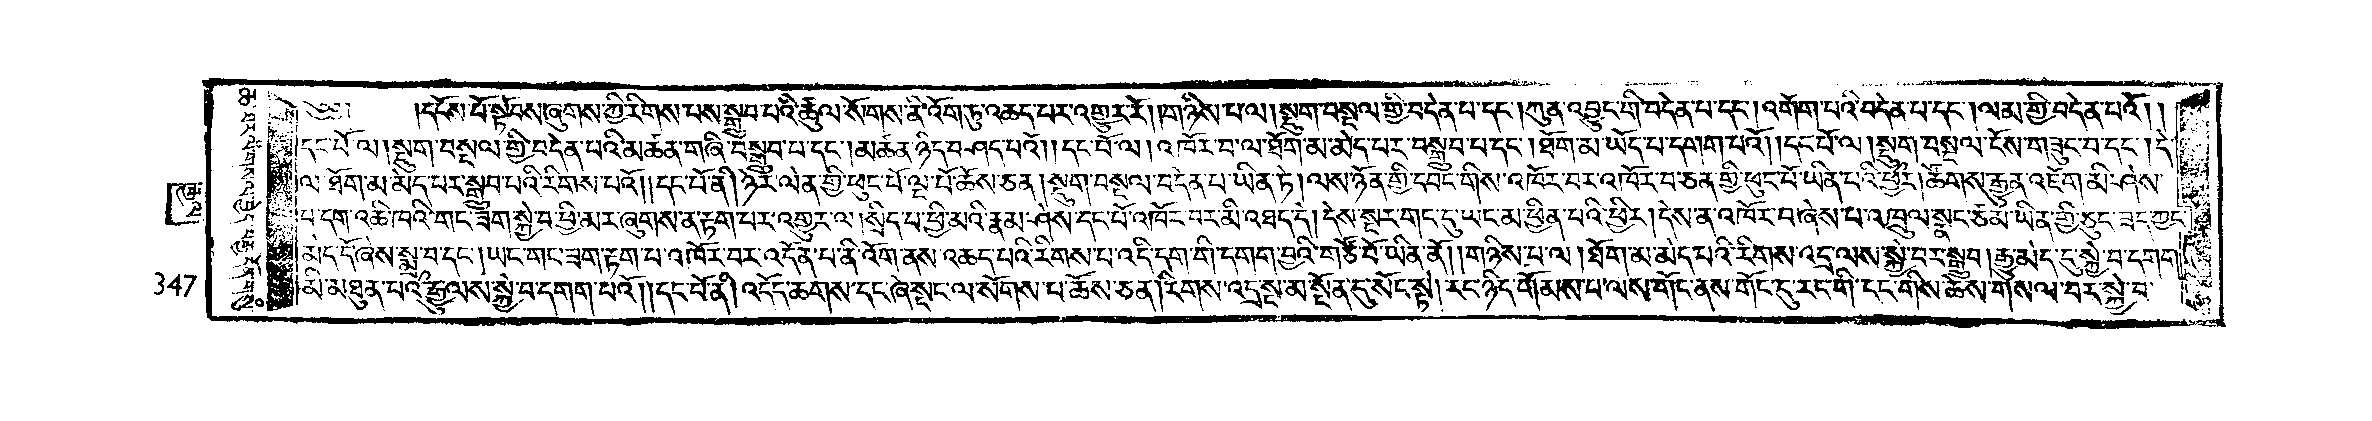༄༅། །དངོས་པོ་སྟོབས་ཞུགས་ཀྱི་རིགས་པས་སྒྲུབ་པའི་ཚུལ་སོགས་ནི་འོག་ཏུ་འཆད་པར་འགྱུར་རོ། །གཉིས་པ་ལ། སྡུག་བསྔལ་གྱི་བདེན་པ་དང་། ཀུན་འབྱུང་གི་བདེན་པ་དང་། འགོག་པའི་བདེན་པ་དང་། ལམ་གྱི་བདེན་པའོ། །
དང་པོ་ལ། སྡུག་བསྔལ་གྱི་བདེན་པའི་མཚན་གཞི་བསྒྲུབ་པ་དང་། མཚན་ཉིད་བཤད་པའོ། །དང་པོ་ལ། འཁོར་བ་ལ་ཐོག་མ་མེད་པར་བསྒྲུབ་པ་དང་། ཐོག་མ་ཡོད་པ་དགག་པའོ། །དང་པོ་ལ། སྡུག་བསྔལ་ངོས་གཟུང་བ་དང་། དེ་
ལ་ཐོག་མ་མེད་པར་སྒྲུབ་པའི་རིགས་པའོ། །དང་པོ་ནི། ཉེར་ལེན་གྱི་ཕུང་པོ་ལྔ་པོ་ཆོས་ཅན། སྡུག་བསྔལ་བདེན་པ་ཡིན་ཏེ། ལས་ཉོན་གྱི་དབང་གིས་འཁོར་བར་འཁོར་བ་ཅན་གྱི་ཕུང་པོ་ཡིན་པའི་ཕྱིར། ཚོགས་རྒྱུན་འཇོག་མི་ཤེས་
པ་དག་འཆི་ཁའི་གང་ཟག་སྐྱེ་བ་ཕྱི་མར་ཞུགས་ན་རྟག་པར་འགྱུར་ལ། སྲིད་པ་ཕྱི་མའི་རྣམ་ཤེས་དང་པོ་འཁོར་བར་མི་འཐད་དེ། དེས་སྔར་གང་དུ་ཡང་མ་ཕྱིན་པའི་ཕྱིར། དེས་ན་འཁོར་བ་ཞེས་པ་འཁྲུལ་སྣང་ཙམ་ཡིན་གྱི་ཅུང་ཟད་ཀྱང་
མེད་དོ་ཞེས་སྨྲ་བ་དང་། ཡང་གང་ཟག་རྟག་པ་འཁོར་བར་འདོན་པ་ནི་འོག་ནས་འཆད་པའི་རིགས་པ་འདི་དག་གི་དགག་བྱའི་གཙོ་བོ་ཡིན་ནོ། །གཉིས་པ་ལ། ཐོག་མ་མེད་པའི་རིགས་འདྲ་ལས་སྐྱེ་བར་སྒྲུབ། རྒྱུ་མེད་དུ་སྐྱེ་བ་དགག་
མི་མཐུན་པའི་རྒྱུ་ལས་སྐྱེ་བ་དགག་པའོ། །དང་པོ་ནི། འདོད་ཆགས་དང་ཞེ་སྡང་ལ་སོགས་པ་ཆོས་ཅན། རིགས་འདྲ་སྔ་མ་སྔོན་དུ་སོང་སྟེ། རང་ཉིད་གོམས་པ་ལས་གོང་ནས་གོང་དུ་རང་གི་ངང་གིས་ཆོས་གསལ་བར་སྐྱེ་བ་